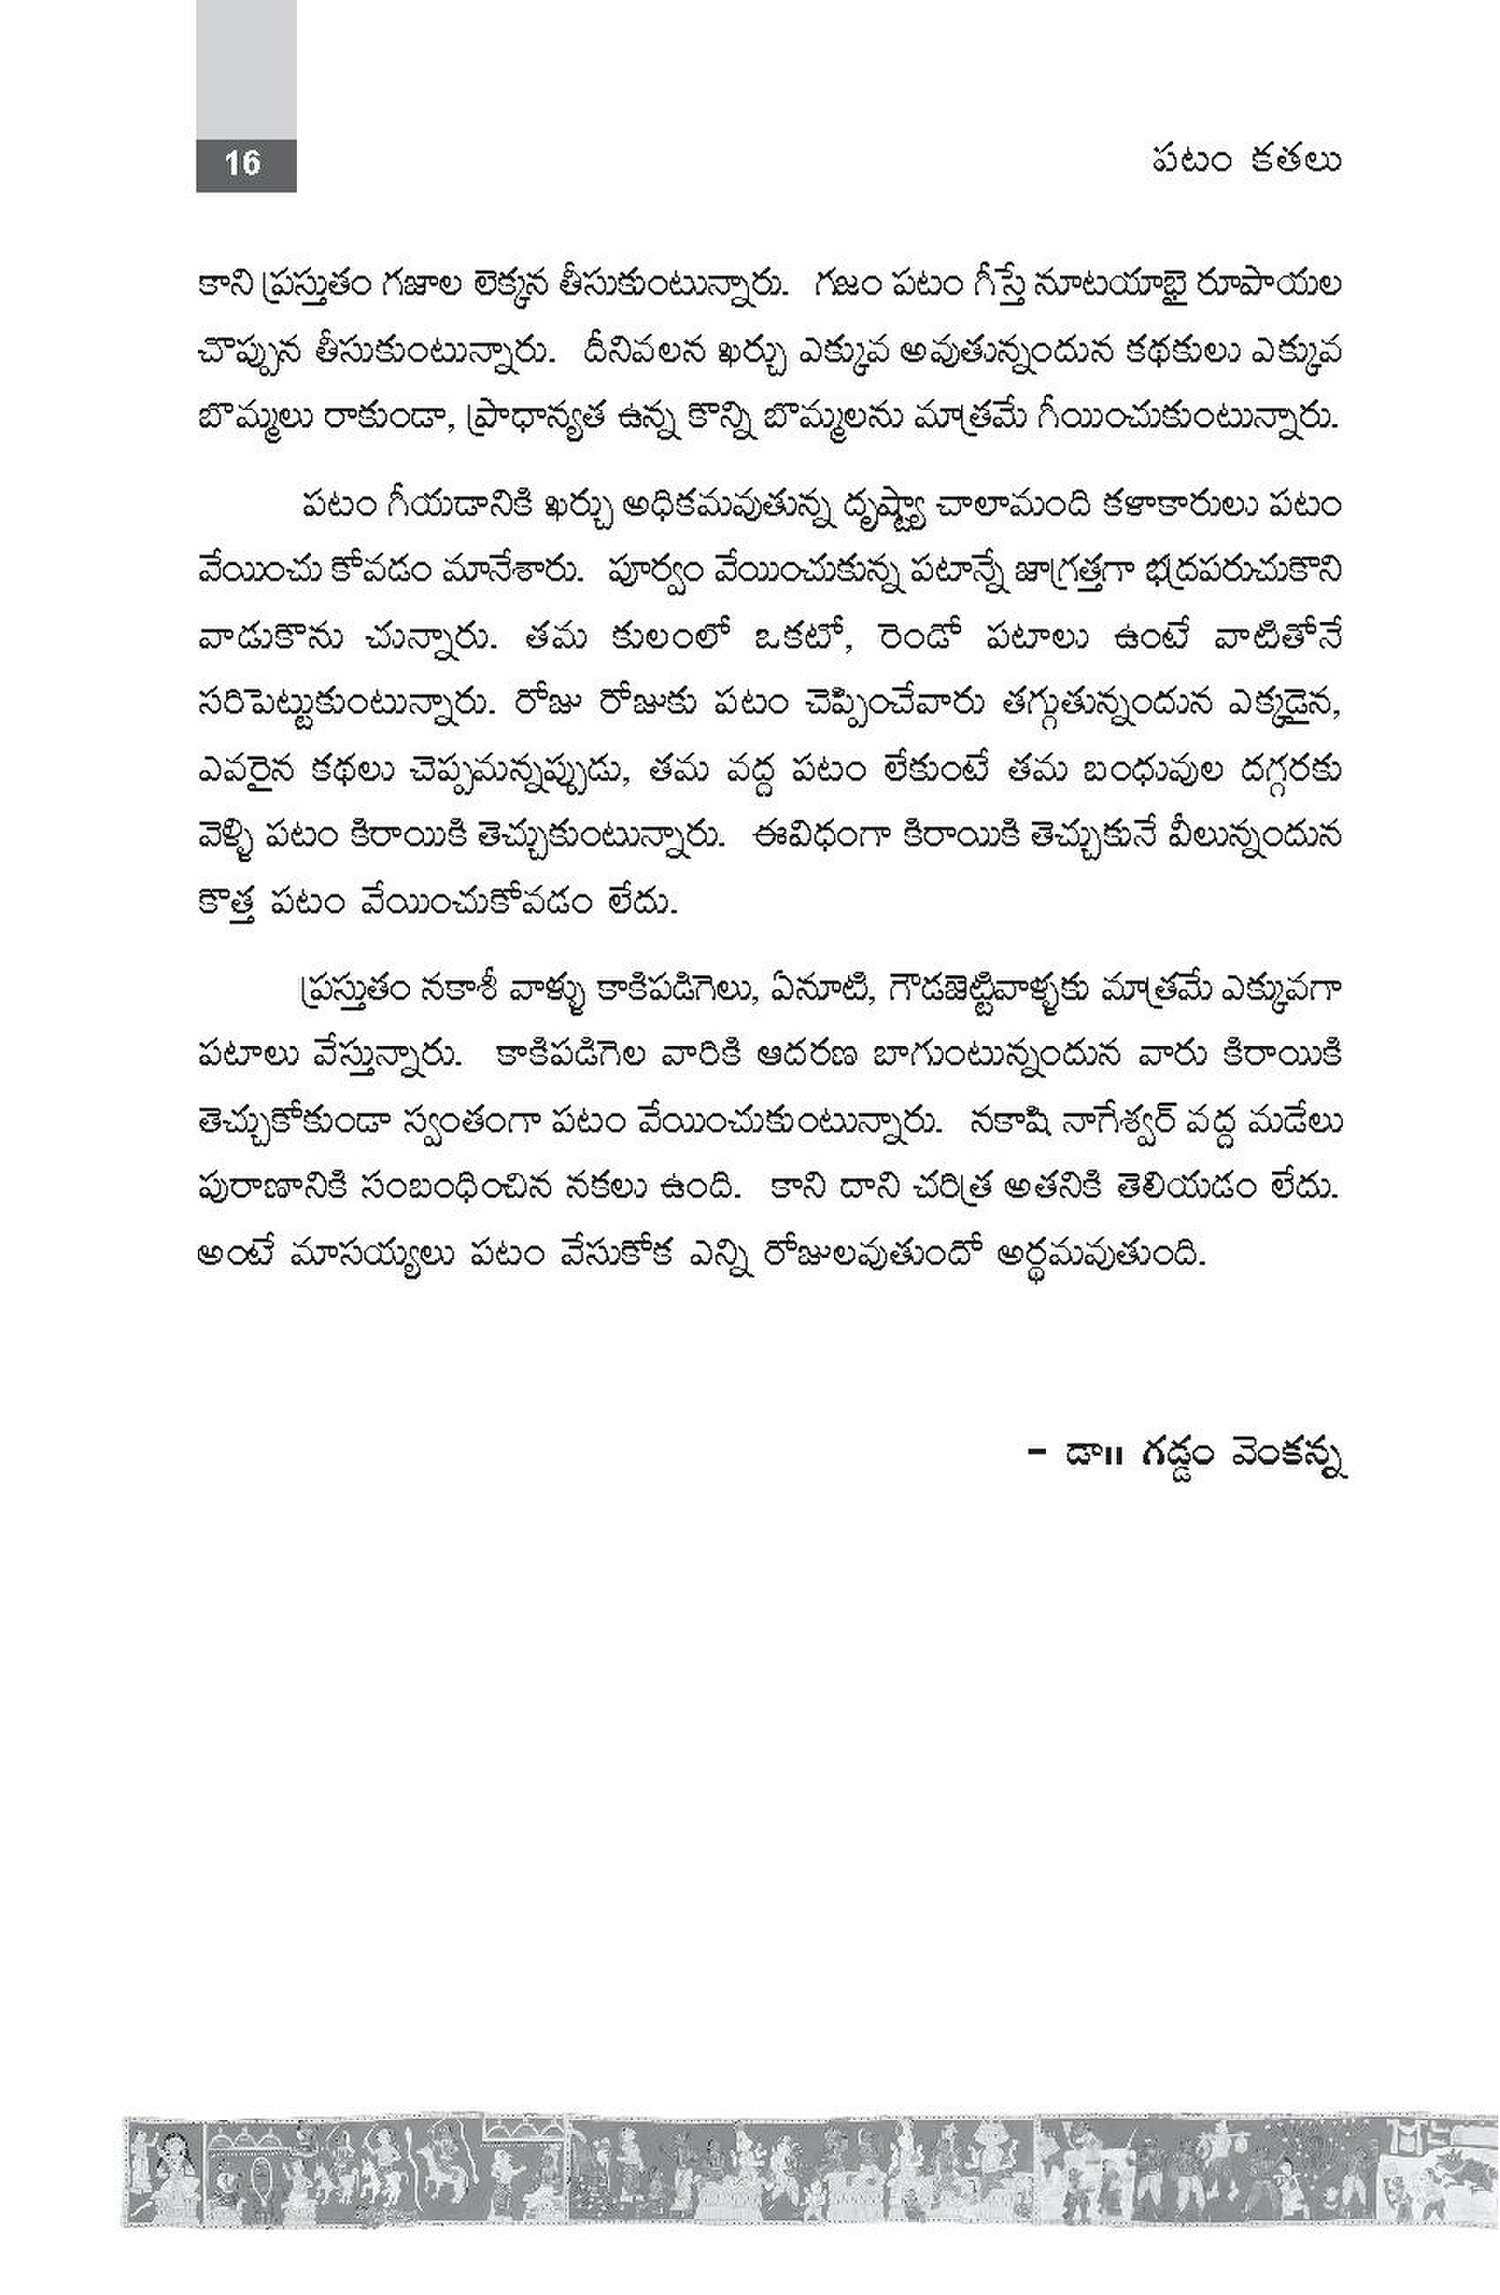కాని ప్రస్తుతం గజాల లెక్కన తీసుకుంటున్నారు. గజం పటం గీస్తే నూటయాభై రూపాయల చొప్పున తీసుకుంటున్నారు. దీనివలన ఖర్చు ఎక్కువ అవుతున్నందున కథకులు ఎక్కువ బొమ్మలు రాకుండా, ప్రాధాన్యత ఉన్న కొన్ని బొమ్మలను మాత్రమే గీయించుకుంటున్నారు.

పటం గీయడానికి ఖర్చు అధికమవుతున్న దృష్ట్యా చాలామంది కళాకారులు పటం వేయించు కోవడం మానేశారు. పూర్వం వేయించుకున్న పటాన్నే జాగ్రత్తగా భద్రపరుచుకొని వాడుకొను చున్నారు. తమ కులంలో ఒకటో, రెండో పటాలు ఉంటే వాటితోనే సరిపెట్టుకుంటున్నారు. రోజు రోజుకు పటం చెప్పించేవారు తగ్గుతున్నందున ఎక్కడైన, ఎవరైన కథలు చెప్పమన్నప్పుడు, తమ వద్ద పటం లేకుంటే తమ బంధువుల దగ్గరకు వెళ్ళి పటం కిరాయికి తెచ్చుకుంటున్నారు. ఈవిధంగా కిరాయికి తెచ్చుకునే వీలున్నందున కొత్త పటం వేయించుకోవడం లేదు.

ప్రస్తుతం నకాశీ వాళ్ళు కాకిపడిగెలు, ఏనూటి, గౌడజెట్టివాళ్ళకు మాత్రమే ఎక్కువగా పటాలు వేస్తున్నారు. కాకిపడిగెల వారికి ఆదరణ బాగుంటున్నందున వారు కిరాయికి తెచ్చుకోకుండా స్వంతంగా పటం వేయించుకుంటున్నారు. నకాషి నాగేశ్వర్ వద్ద మడేలు పురాణానికి సంబంధించిన నకలు ఉంది. కాని దాని చరిత్ర అతనికి తెలియడం లేదు. అంటే మాసయ్యలు పటం వేసుకోక ఎన్ని రోజులవుతుందో అర్థమవుతుంది.